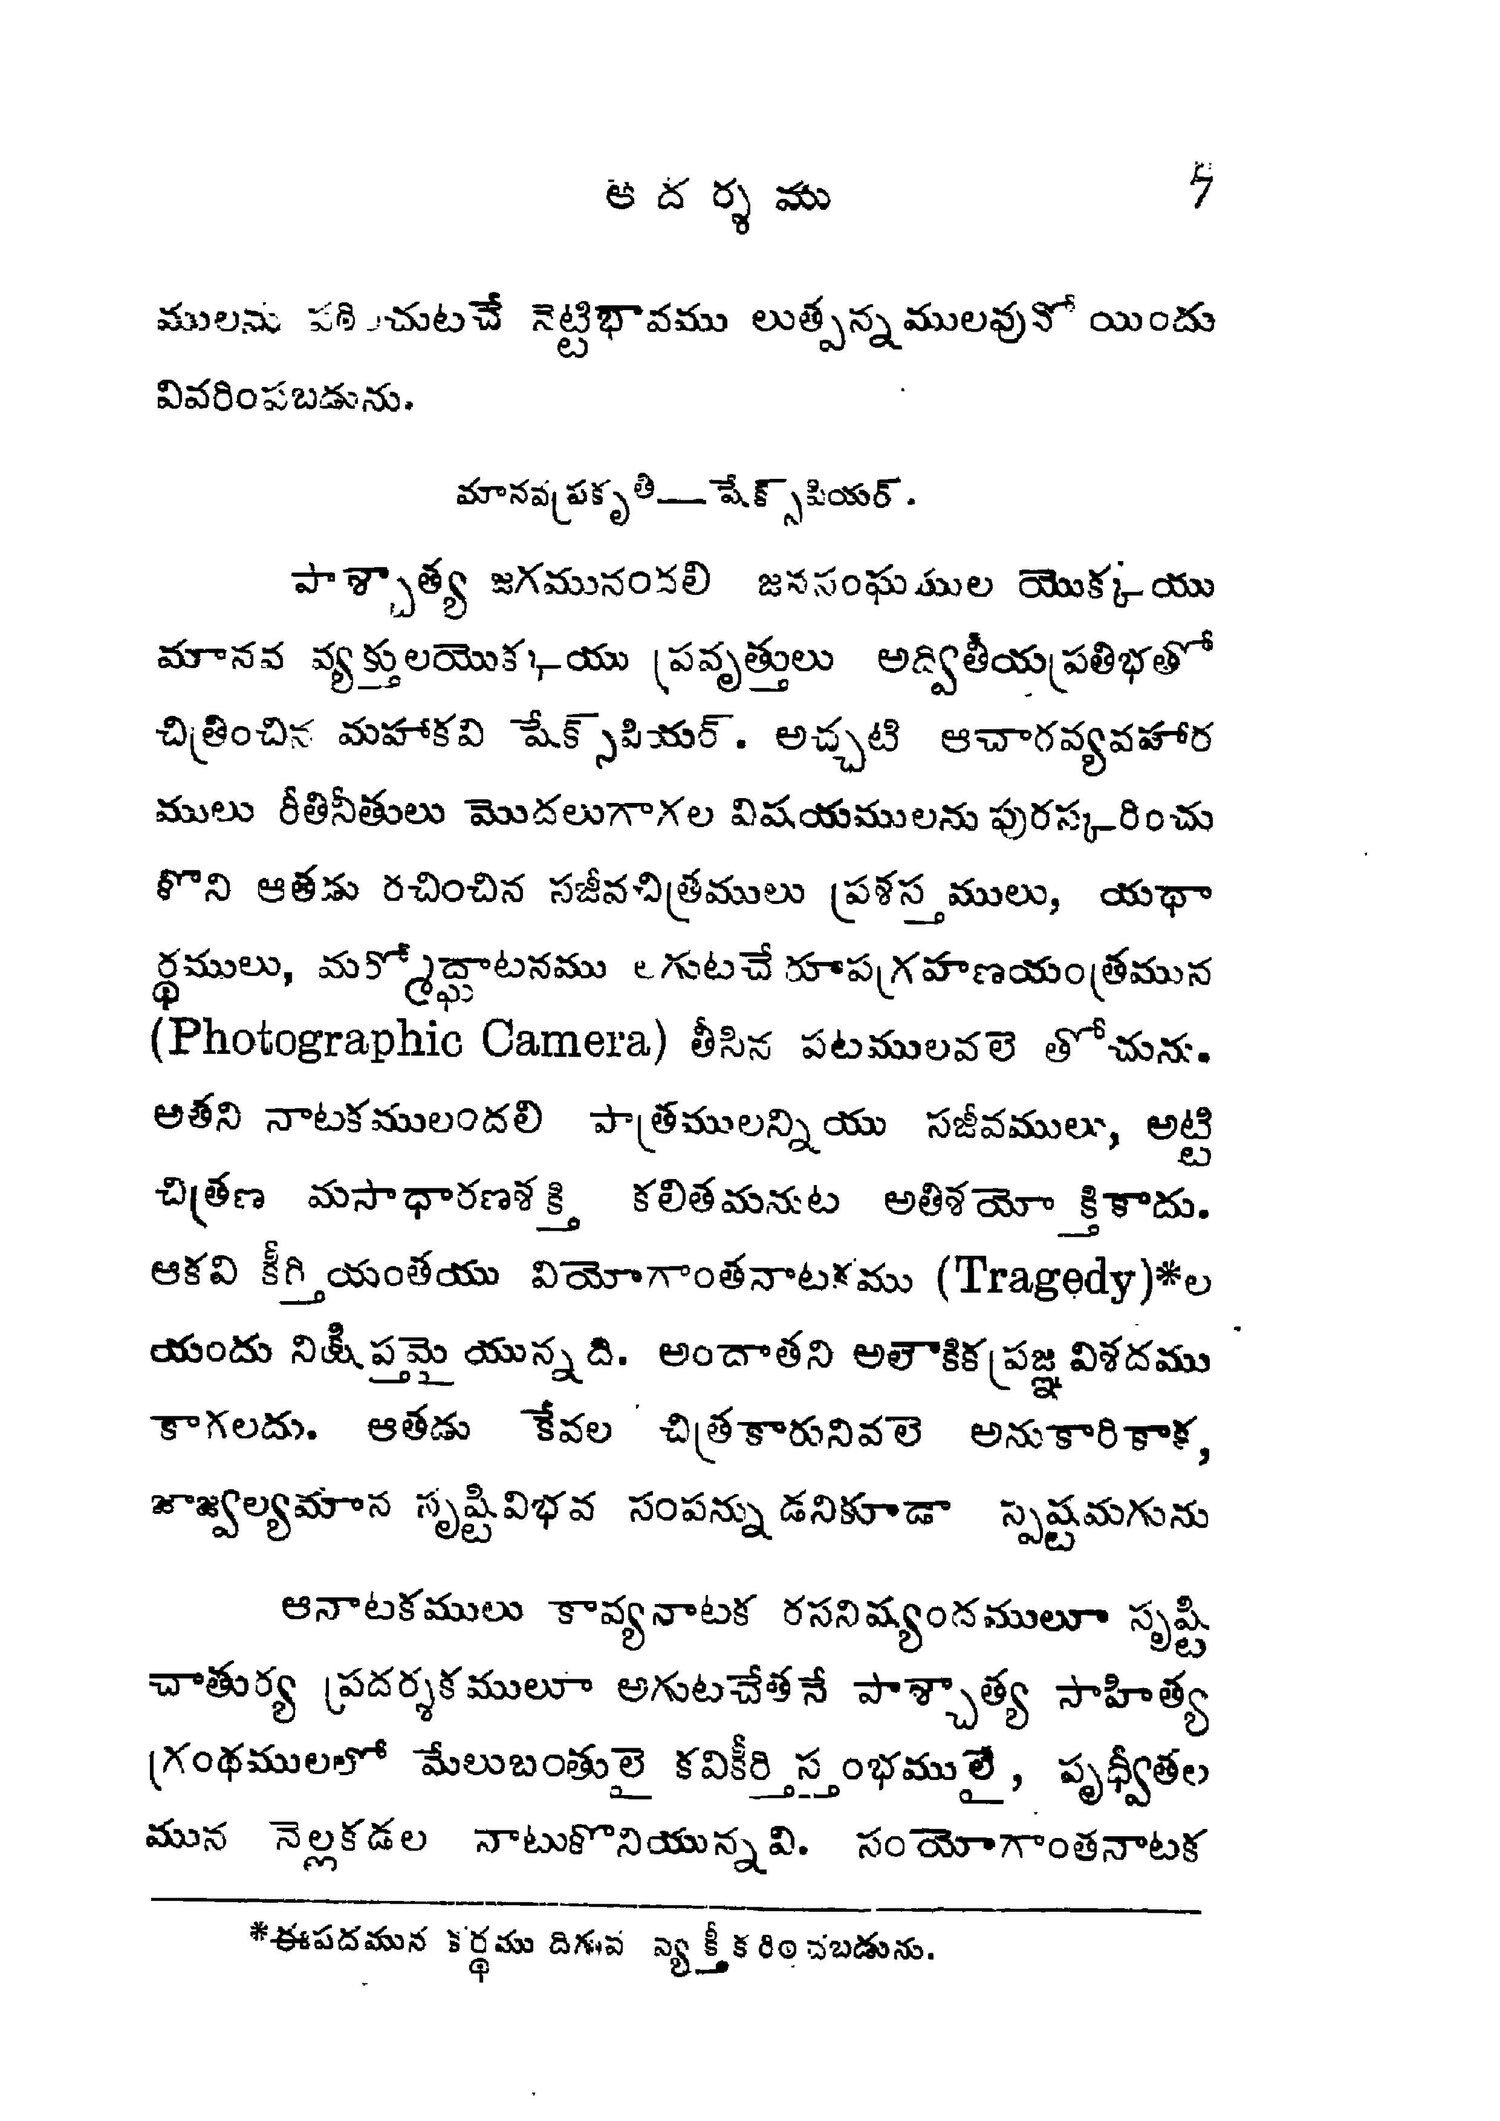ములను పఠించుటచే నెట్టిభావము లుత్పన్నములవునో యిందు వివరింపబడును.

పాశ్చాత్య జగమునందలి జనసంఘముల యొక్కయు మానవ వ్యక్తులయొక్కయు ప్రవృత్తులు అద్వితీయప్రతిభతో చిత్రించిన మహాకవి షేక్స్‌పియర్. అచ్చటి ఆచారవ్యవహారములు రీతినీతులు మొదలుగాగల విషయములను పురస్కరించుకొని ఆతడు రచించిన సజీవచిత్రములు ప్రశస్తములు, యథార్థములు, మర్మోద్ఘాటనము లగుటచే రూపగ్రహణయంత్రమున(Photographic Camera) తీసిన పటములవలె తోచును. అతని నాటకములందలి పాత్రములన్నియు సజీవములు, అట్టి చిత్రణ మసాధారణశక్తి కలితమనుట అతిశయోక్తికాదు. ఆకవి కీర్తి యంతయు వియోగాంతనాటకము (Tragedy)*ల యందు నిక్షిప్తమై యున్నది. అందాతని అలౌకికప్రజ్ఞ విశదము కాగలదు. ఆతడు కేవల చిత్రకారునివలె అనుకారికాక, జాజ్వల్యమాన సృష్టివిభవ సంపన్ను డనికూడా స్పష్టమగును.

ఆనాటకములు కావ్యనాటక రసనిష్యందములూ సృష్టి చాతుర్య ప్రదర్శకములూ అగుటచేతనే పాశ్చాత్య సాహిత్య గ్రంథములలో మేలుబంతులై కవికీర్తిస్తంభములై, పృధ్వీతలమున నెల్లకడల నాటుకొనియున్నవి. సంయోగాంతనాటక